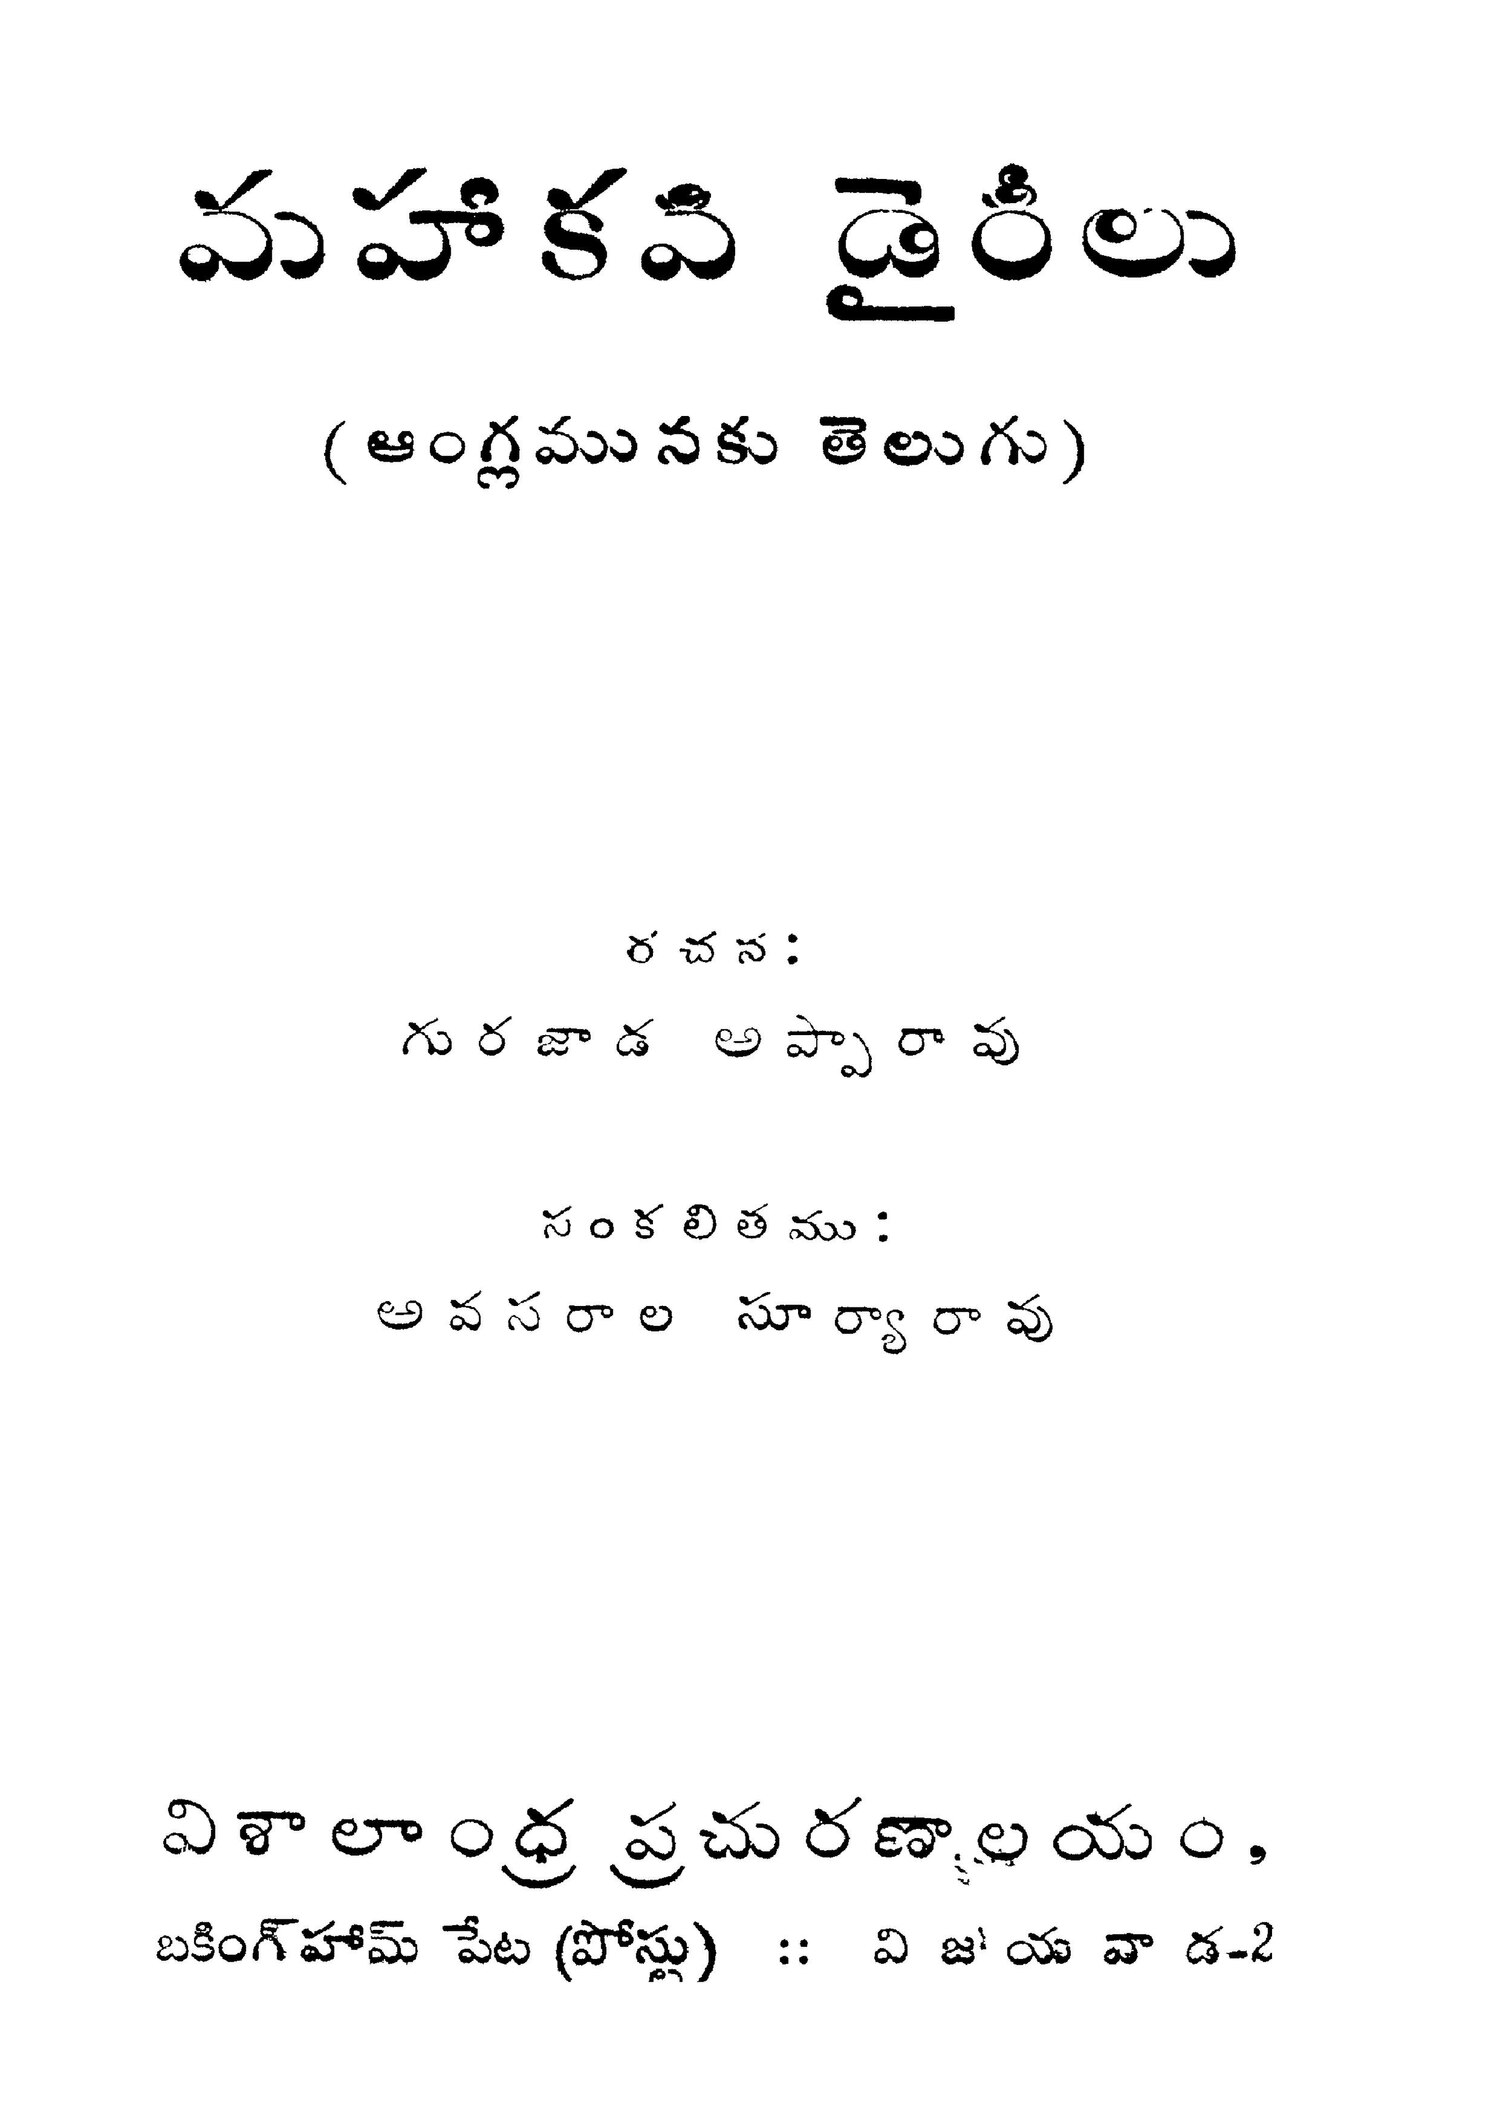మహాకవి డైరీలు

(ఆంగ్లమునకు తెలుగు)

రచన:

గురజాడ అప్పారావు

సంకలితము:
అవసరాల సూర్యారావు

విశాలాంధ్ర ప్రచురణాలయం,

బకింగ్‌హోమ్‌ పేట (పోస్టు) :: విజయవాడ-2